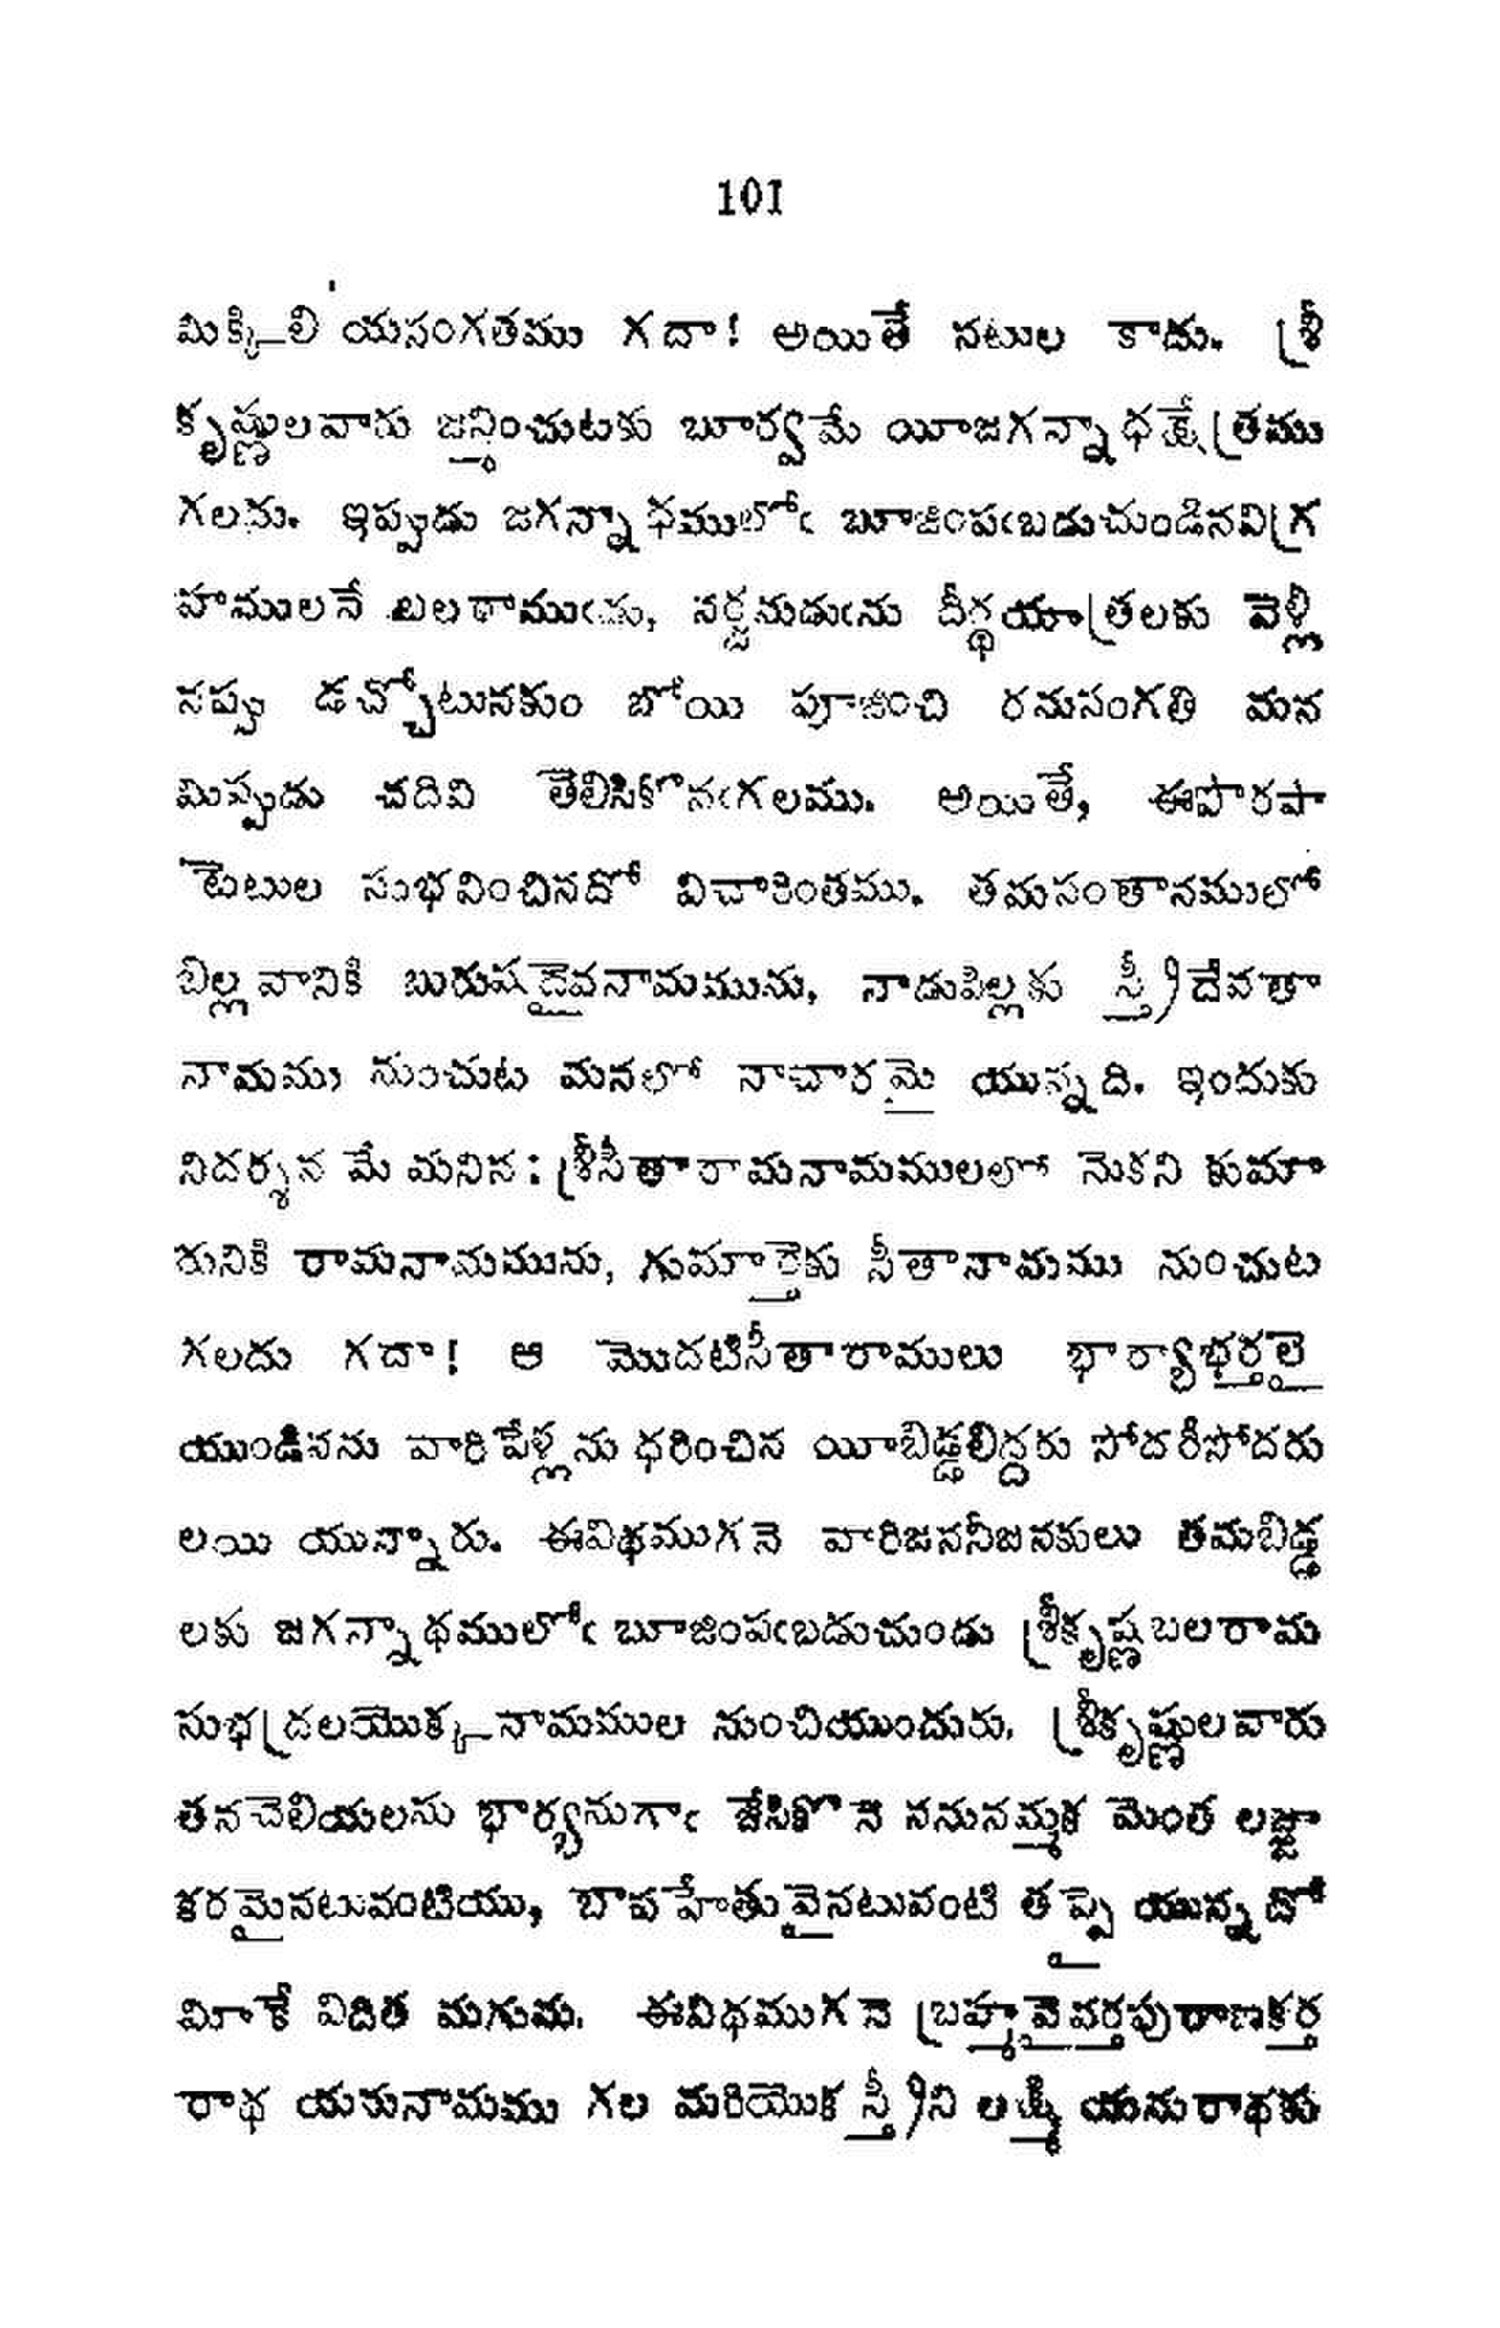మిక్కిలి యసంగతము గదా! అయితే నటుల కాదు. శ్రీకృష్ణులవారు జన్మించుటకు బూర్వమే యీజగన్నాధక్షేత్రము గలదు. ఇప్పుడు జగన్నాధములోఁ బూజింపఁబడుచుండినవిగ్రహములనే బలరాముఁడు, సర్జనుడుఁను దీర్థయాత్రలకు వెళ్లినప్పు డచ్చోటునకుం బోయి పూజించి రనుసంగతి మనమిప్పుడు చదివి తెలిసికొనఁగలము. అయితే, ఈపొరపాటెటుల సంభవించినదో విచారింతము. తమసంతానములో బిల్లవానికి బురుషదైవనామమును, నాడుపిల్లకు స్త్రీదేవతానామము నుంచుట మనలో నాచారమై యున్నది. ఇందుకు నిదర్శన మే మనిన : శ్రీసీతారామనామములలో నొకని కుమారునికి రామనామమును, గుమార్తెకు సీతానామము నుంచుట గలదు గదా! ఆ మొదటి సీతారాములు భార్యాభర్తలై యుండినను వారిపేళ్లను ధరించిన యీబిడ్డలిద్దరు సోదరీసోదరులయి యున్నారు. ఈవిధముగనె వారిజననీజనకులు తమబిడ్డలకు జగన్నాథములోఁ బూజింపఁ బడుచుండు శ్రీకృష్ణబలరామసుభద్రలయొక్క నామముల నుంచియుందురు. శ్రీకృష్ణులవారు
తన చెలియలను భార్యనుగాఁ జేసికొనె ననునమ్మక మెంత లజ్జాకరమైనటువంటియు, బావహేతువై నటువంటి తప్పై యున్నదో మీకే విదిత మగుమ. ఈవిధముగనె బ్రహ్మవైవర్తపురాణకర్త రాథ యనునామము గల మరియొకస్త్రీని లక్ష్మీ యనురాథకు